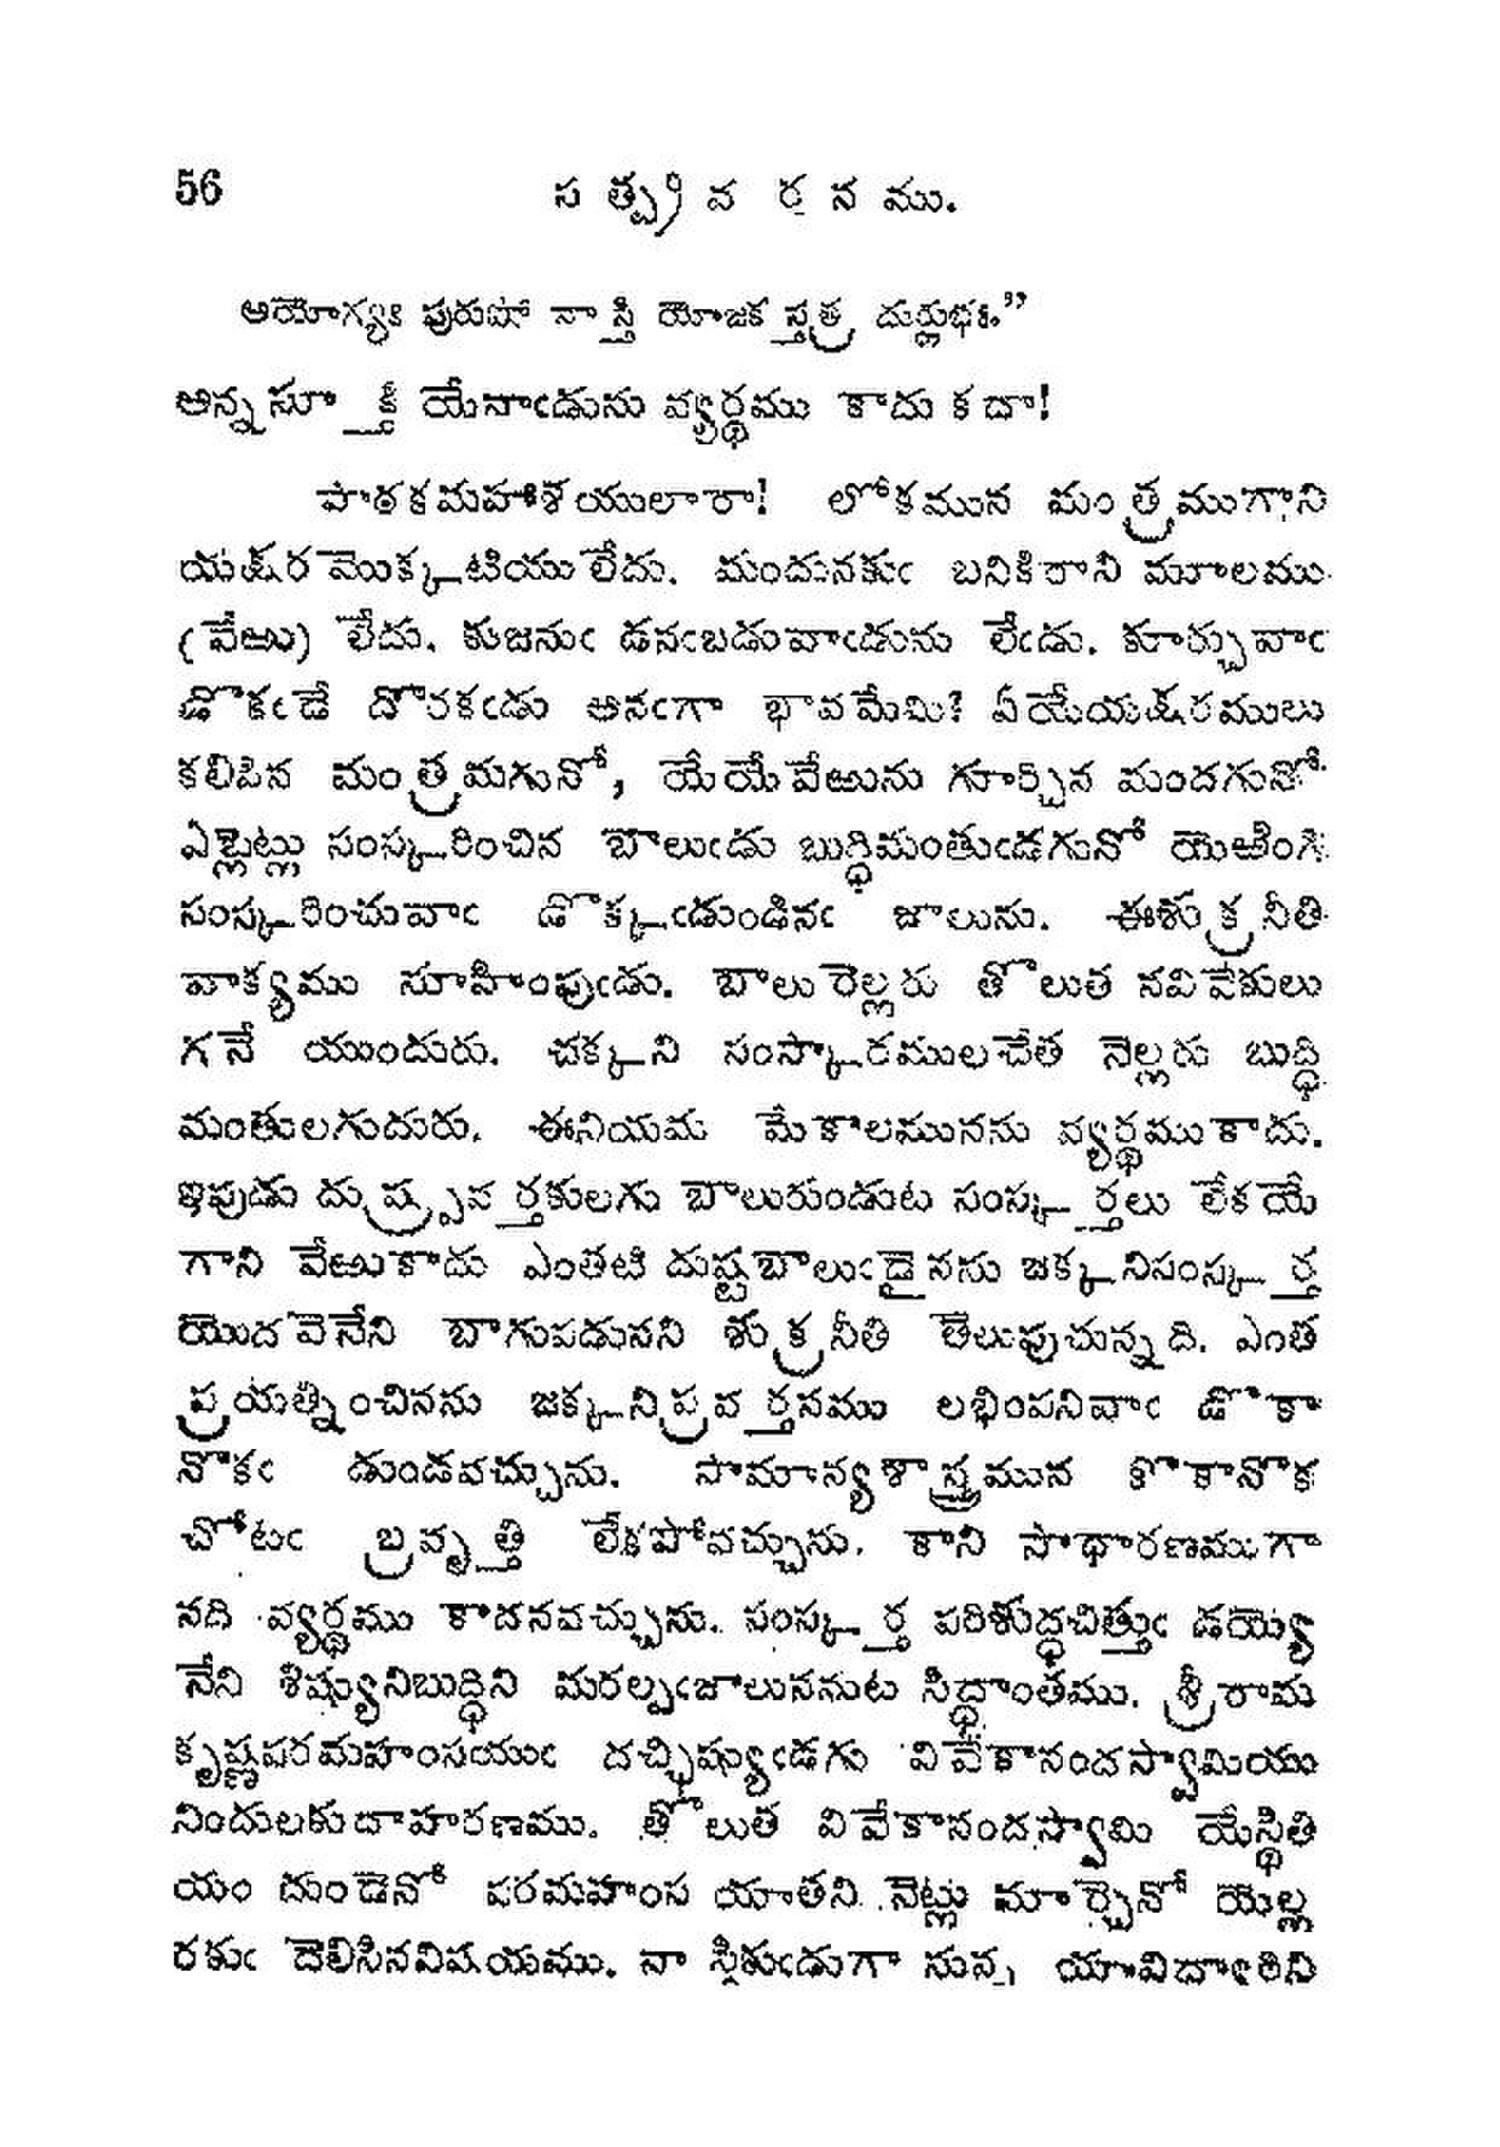ఆయోగ్యః పురుషో నాస్తి యోజక స్తత్ర దుళ్లుభక. ” 

అన్న సూక్తి యేనాఁడును వ్యర్థము కాదు కదా!

పాఠకమహాశయులారా! లోకమున మంత్రముగాని యక్షరమొక్కటీయు లేదు. మందునకుఁ బనికి రాని మూలము (వేఱు) "లేదు, కుజనుఁడనఁబడు వాడును లేడు. కూర్పు వాఁ డొకఁడే దొరకడు అనఁగా భావమేమి? ఏయేయ క్షరములు కలిపిన మంత్ర మగునో, యేయే వేఱును గూర్చిన మందగునో ఎబ్లెట్లు సంస్కరించిన బాలుఁడు బుద్ధిమంతుఁడగునో యరింగి సంస్కరించు వాఁడొక్కఁడుండిన జాలును. ఈశుక్ర నీతి. 'వాక్యము సూహింపుఁడు. బాలు రెల్లరు తొలుత నవివేకులుగనే యుందురు. చక్కని సంస్కారముల చేత నెల్లరు బుద్ది మంతులగుదురు. ఈనియమ మేకాలమునసు వ్యర్థము కాదు. ఇపుడు దుష్ప్రవర్తకులగు బాలురుండుట సంస్కర్తలు "లేక యే గాని వేఱు కాదు ఎంతటి దుష్ టబాలుడైనను జక్కనిసంస్కర్త యొదవెనేని బాగుపడునని శుక్రనీతి 'తెలుపుచున్నది. ఎంత ప్రయత్నించినను జక్కని పవర్తనము లభింపనివాఁడొకా నొకండుండ వచ్చును. సామాన్యశాస్త్రమున కొకానొక చోటఁ బ్రవృత్తి లేక పోవచ్చును. కానీ సాధారణముగా నది వ్యర్థము కాదనవచ్చును. సంస్కర్త పరిశుద్ధచిత్తుఁ డయ్యెనేని శిష్యునిబుద్ధిని మరల్పఁజాలుననుట సిద్ధాంతము. శ్రీ రామ కృష్ణ పరమహంసయుల దచ్ఛిష్యుఁడగు 'వివేకానంద స్వామియు నిందుల కుదాహరణము. తొలుత వివేకానంద స్వామి యేస్థితి యం దుండెనో పరమహంస యాతని ,నెట్లు మార్చెనో యల్లరకుఁ దెలిసినవిషయము, నా స్థికుడుగా నున్న యావిదారిని